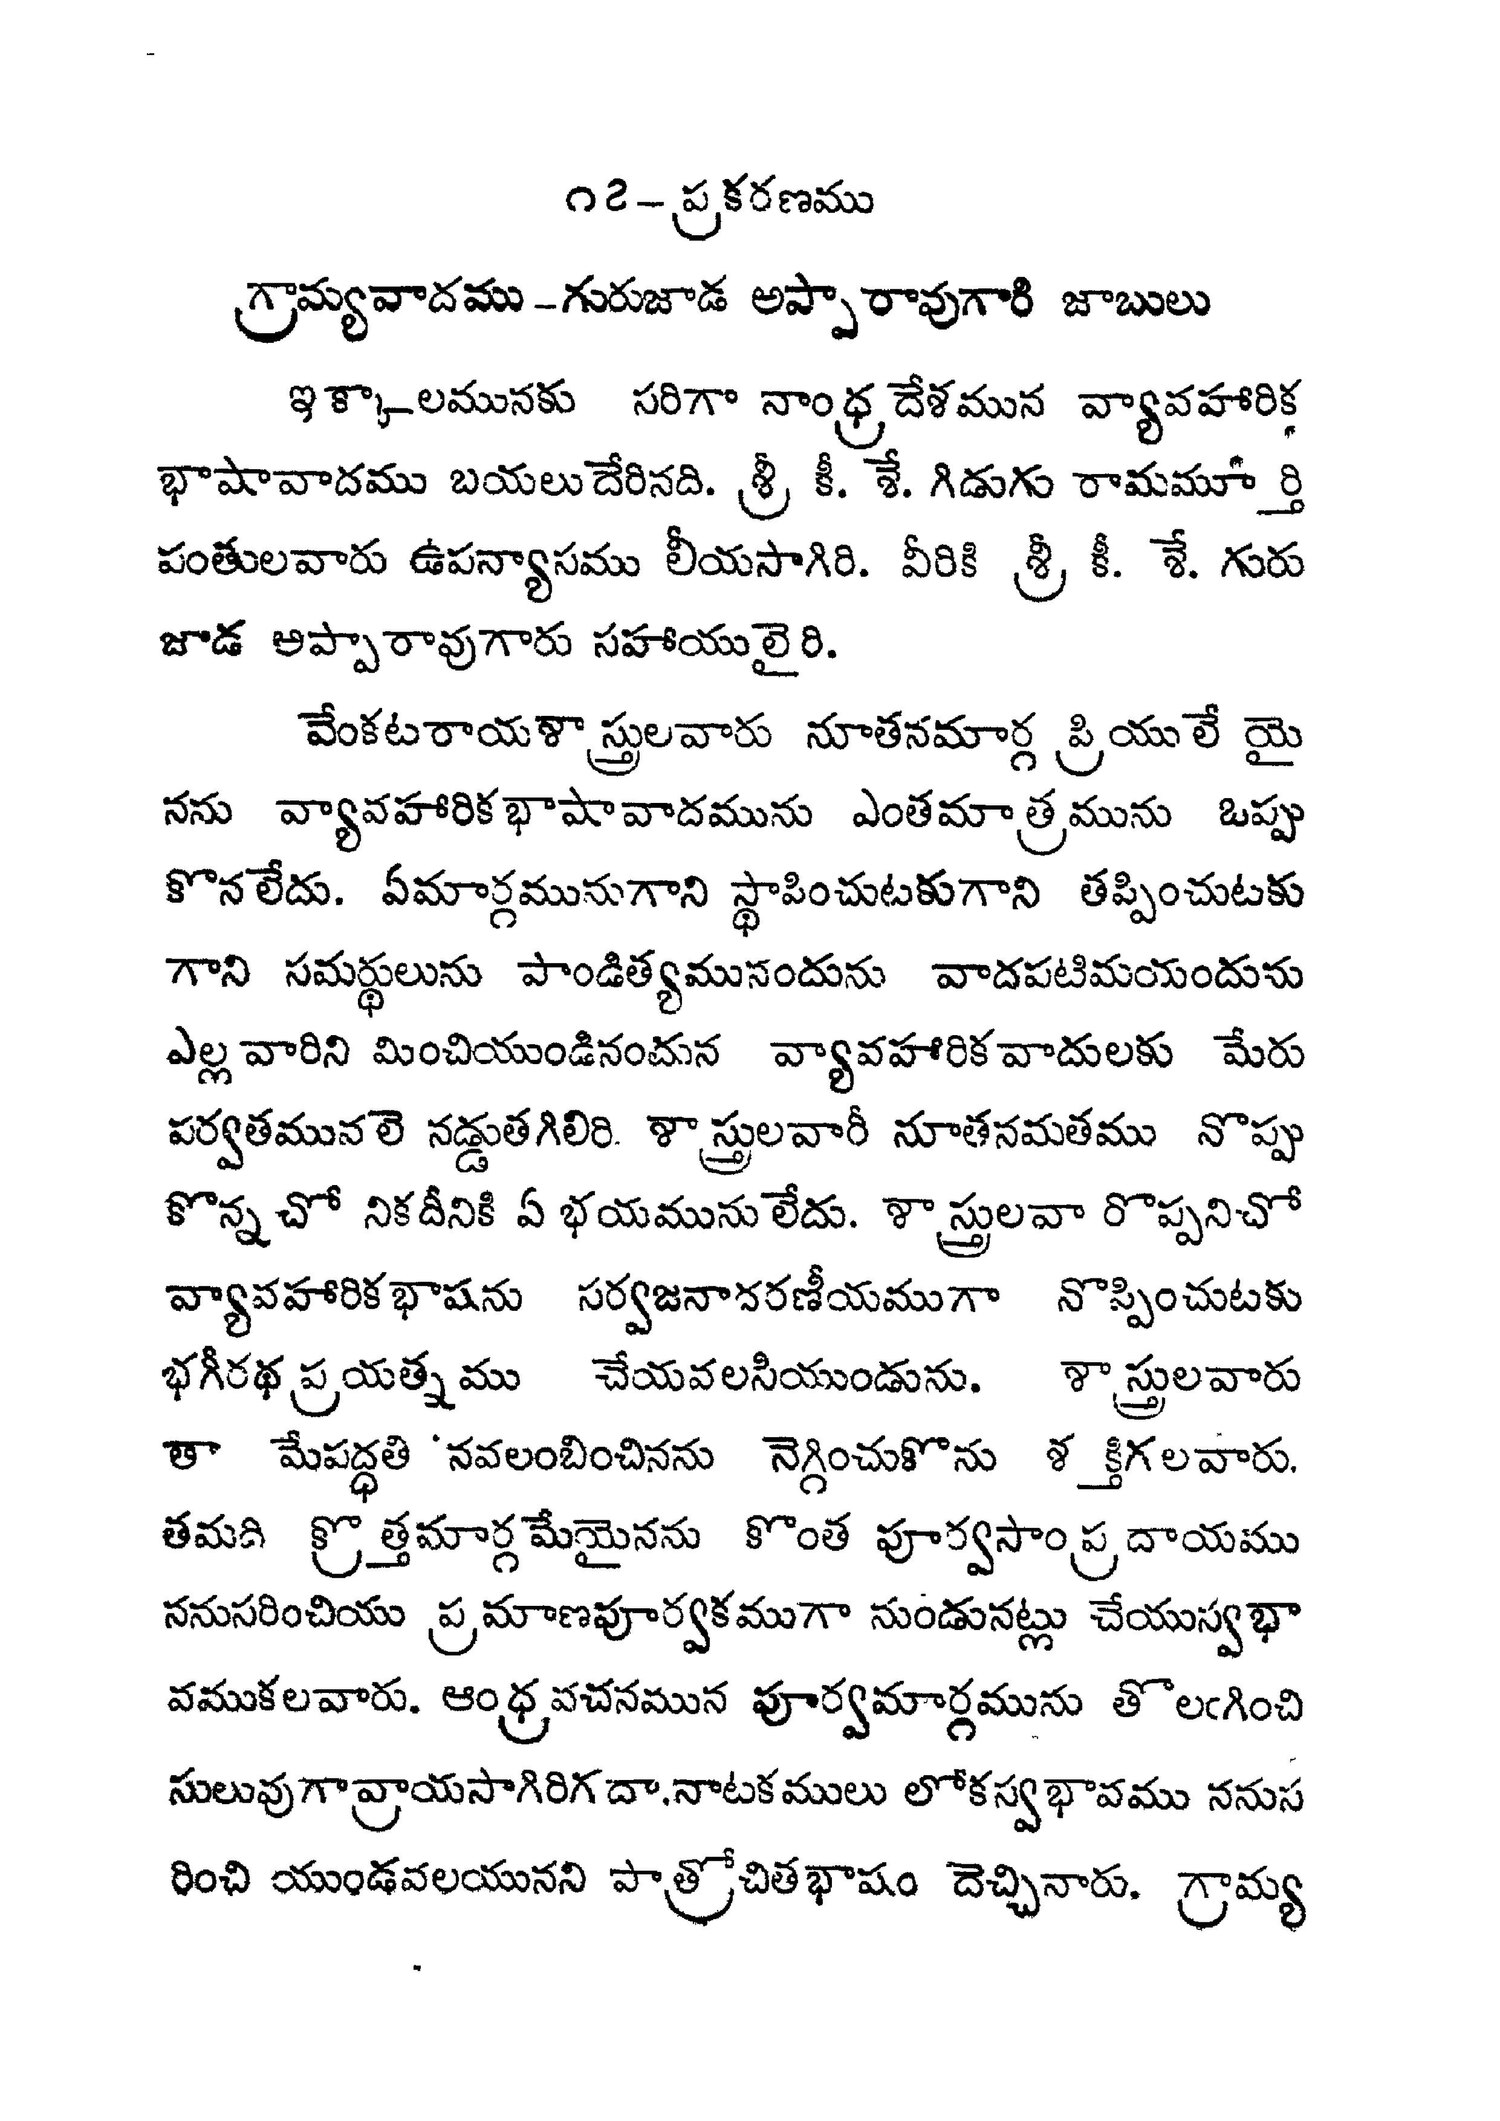ఇక్కాలమునకు సరిగా నాంధ్రదేశమున వ్యావహారికభాషావాదము బయలుదేరినది. శ్రీ కీ.శే. గిడుగు రామమూర్తి పంతులవారు ఉపన్యాసము లీయసాగిరి. వీరికి శ్రీ కీ.శే. గురుజాడ అప్పారావుగారు సహాయులైరి.

వేంకటరాయశాస్త్రులవారు నూతనమార్గ ప్రియులే యైనను వ్యావహారికభాషావాదమును ఎంతమాత్రమును ఒప్పుకొనలేదు. ఏమార్గమునుగాని స్థాపించుటకుగాని తప్పించుటకు గాని సమర్థులును పాండిత్యమునందును వాదపటిమయందును ఎల్ల వారిని మించియుండినందున వ్యావహారికవాదులకు మేరు పర్వతమువలె నడ్డుతగిలిరి. శాస్త్రులవారీ నూతనమతము నొప్పుకొన్నచో నికదీనికి ఏ భయమునులేదు. శాస్త్రులవా రొప్పనిచో వ్యావహారికభాషను సర్వజనాదరణీయముగా నొప్పించుటకు భగీరథప్రయత్నము చేయవలసియుండును. శాస్త్రులవారు తా మేపద్ధతి నవలంబించినను నెగ్గించుకొను శక్తిగలవారు. తమది క్రొత్తమార్గమేయైనను కొంత పూర్వసాంప్రదాయము ననుసరించియు ప్రమాణపూర్వకముగా నుండునట్లు చేయుస్వభావముకలవారు. ఆంధ్ర వచనమున పూర్వమార్గమును తొలగించి సులువుగా వ్రాయసాగిరిగదా. నాటకములు లోకస్వభావము ననుసరించి యుండవలయునని పాత్రోచితభాషం దెచ్చినారు. గ్రామ్య